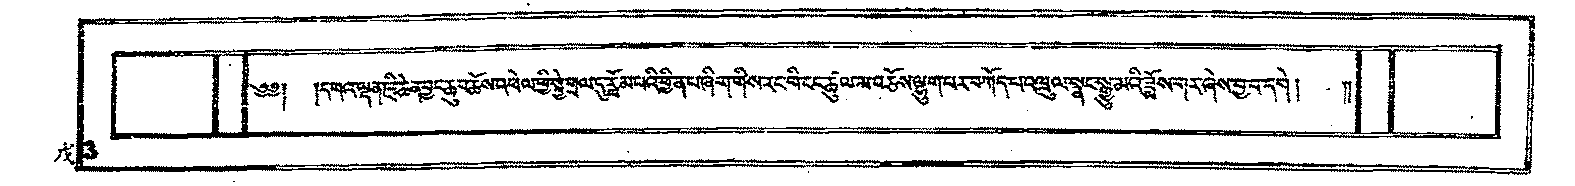༄༅། །དགའ་ལྡན་ཁྲི་ཆེན་བྱང་ཆུབ་ཆོས་འཕེལ་གྱི་སྐྱེ་གྲལ་དུ་རློམ་པའི་ཕྱིན་པ་ཞིག་གིས་རང་གི་ངང་ཚུལ་མ་བཅོས་ལྷུག་པར་བཀོད་པ་འཁྲུལ་སྣང་སྒྱུ་མའི་ཟློས་གར་ཞེས་བྱ་བ་དགེ། །།